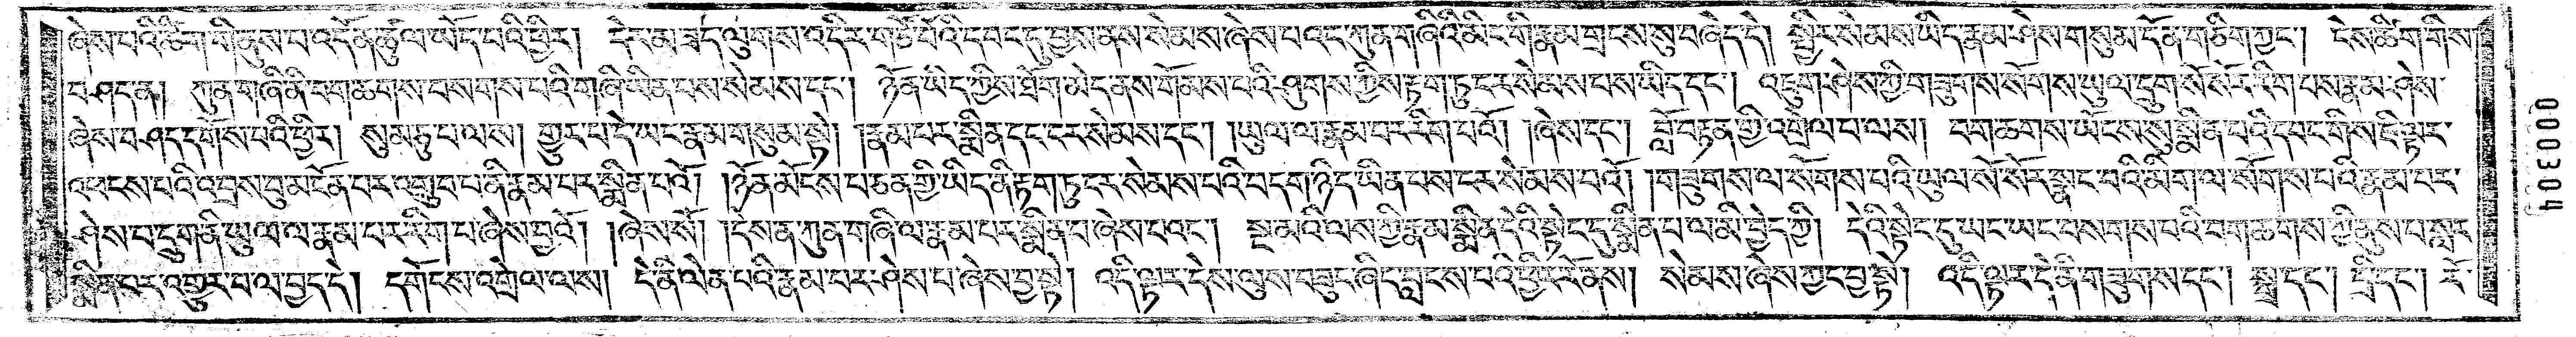ཞེས་པའི་ཚིག་གི་ནུས་པ་འདོན་ཚུལ་ཡོད་པའི་ཕྱིར། དེར་མ་ཟད་ལུགས་འདིར་གཙོ་བོའི་དབང་དུ་བྱས་ནས་སེམས་ཞེས་པའང་ཀུན་གཞིའི་མིང་གི་རྣམ་གྲངས་སུ་བཞེད་དེ། སྤྱིར་སེམས་ཡིད་རྣམ་ཤེས་གསུམ་དོན་གཅིག་ཀྱང་། ངེས་ཚིག་གིས་
བཤད་ན། ཀུན་གཞི་ནི་བག་ཆགས་བསགས་པའི་གཞི་ཡིན་པའི་སེམས་དང་། ཉོན་ཡིད་ཀྱིས་ཐོག་མེད་ནས་གོམས་པའི་ཤུགས་ཀྱིས་རྟག་ཏུ་ངར་སེམས་པས་ཡིད་དང་། འཇུག་ཤེས་ཀྱི་གཟུགས་སོགས་ཡུལ་དྲུག་སོ་སོར་རིག་པས་རྣམ་ཤེས་
ཞེས་བཤད་དགོས་པའི་ཕྱིར། སུམ་ཅུ་པ་ལས། གྱུར་པ་དེ་ཡང་རྣམ་གསུམ་སྟེ། རྣམ་པར་སྨིན་དང་ངར་སེམས་དང་། །ཡུལ་ལ་རྣམ་པར་རིག་པའོ། །ཞེས་དང་། བློ་བརྟན་གྱི་འགྲེལ་པ་ལས། བག་ཆགས་ཡོངས་སུ་སྨིན་པའི་དབང་གིས་ཇི་ལྟར་
འཕངས་པའི་འབྲས་བུ་མངོན་པར་འགྲུབ་པ་ནི་རྣམ་པར་སྨིན་པའོ། །ཉོན་མོངས་པ་ཅན་གྱི་ཡིད་ནི་རྟག་ཏུ་ངར་སེམས་པའི་བདག་ཉིད་ཡིན་པས་ངར་སེམས་པའོ། །གཟུགས་ལ་སོགས་པའི་ཡུལ་སོ་སོར་ནང་བའི་མིག་ལ་སོགས་པའི་རྣམ་པར་
ཤེས་པ་དྲུག་ནི་ཡུལ་ལ་རྣམ་པར་རིག་པ་ཞེས་བྱའོ། །ཞེས་སོ། །དེས་ན་ཀུན་གཞི་ལ་རྣམ་པར་སྨིན་པ་ཞེས་པའང་། སྔ་མའི་ལས་ཀྱི་རྣམ་སྨིན་དེའི་སྟེང་དུ་སྨིན་པ་ལ་མི་བྱེད་ཀྱི། དེའི་སྟེང་དུ་ཡང་ཡང་བསགས་པའི་བག་ཆགས་ཀྱི་ནུས་བསླར་
སྨིན་པར་འགྱུར་བ་ལ་བྱད་དེ། དགོངས་འགྲེལ་ལས། དེ་ནི་ལེན་པའི་རྣམ་པར་ཤེས་པ་ཞེས་བྱ་སྟེ། འདི་ལྟར་དེས་ལུས་བཟུང་ཞིང་བླངས་པའི་ཕྱིར་རོ་ནས། སེམས་ཞེས་ཀྱང་བྱ་སྟེ། འདི་ལྟར་དེ་ནི་གཟུགས་དང་། སྒྲ་དང་། དྲི་དང་། རོ་